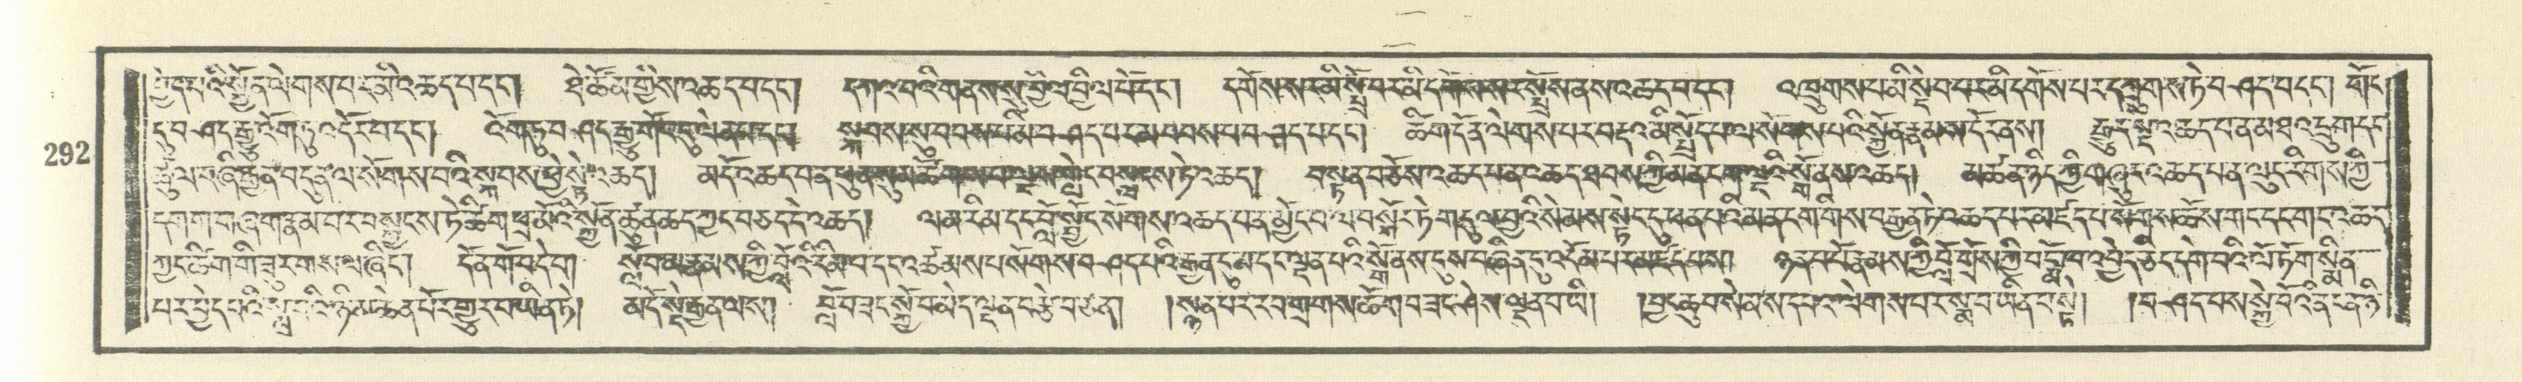བྱེད་པའི་སྐྱོན་ལེགས་པར་མི་འཆད་པ་དང་། ཐེ་ཚོམ་གྱིས་འཆད་པ་དང་། དཀའ་བའི་གནས་སུ་བྱིལ་བྱིལ་པོ་དང་། དགོས་སར་མི་སྤྲོ་བར་མི་དགོས་སར་སྤྲོས་ནས་འཆད་པ་དང་། འཁྲུགས་པ་མི་སྡེབ་པར་མི་དགོས་པར་དཀྲུགས་ཏེ་བཤད་པ་དང་། གོང་
དུ་བཤད་རྒྱུ་འོག་ཏུ་འདོར་བ་དང་། འོག་ཏུ་བཤད་རྒྱུ་གོང་དུ་ལེན་པ་དང་། སྐབས་སུ་བབས་པ་མི་བཤད་པར་མ་བབས་པ་བཤད་པ་དང་། ཚིག་དོན་ལེགས་པར་བརྡའ་མི་སྤྲོད་པ་ལ་སོགས་པའི་སྐྱོན་རྣམས་དོར་ནས། རྒྱུད་སྡེ་འཆད་པ་ན་མཐའ་དྲུག་དང་
ཚུལ་བཞི་རྒྱན་བདུན་ལ་སོགས་པའི་སྐབས་ཕྱེ་སྟེ་འཆད། མདོ་འཆད་པ་ན་ཕུན་སུམ་ཚོགས་པ་ལྔས་གླེང་བསླངས་ཏེ་འཆད། བསྟན་བཅོས་འཆད་པ་ན་འཆད་ཐབས་ཀྱི་མན་ངག་ལྔའི་སྒོ་ནས་འཆད། མཚན་ཉིད་ཀྱི་གཞུང་འཆད་པ་ན་ལུང་རིགས་ཀྱི་
དགག་གཞག་རྣམ་པར་བསྐྱངས་ཏེ་ཚིག་ཕྲ་མོའི་སྐྱོན་ཚུན་ཆད་ཀྱང་བཅད་དེ་འཆད། ལམ་རིམ་དང་བློ་སྦྱོང་སོགས་འཆད་པ་ན་མྱོང་བ་ལ་བསྐོར་ཏེ་གདུལ་བྱའི་སེམས་སྟེང་དུ་ཕན་པའི་མན་ངག་གིས་བརྒྱན་ཏེ་འཆད་པར་མཛད་པ་སོགས་ཆོས་གང་དང་གང་འཆད་
ཀྱང་ཚིག་གི་ཟུར་གསལ་ཞིང་། དོན་གོ་བདེ་བ། སློབ་མ་རྣམས་ཀྱི་བྦློའི་རིམ་པ་དང་འཚམས་པ་སོགས་བཤད་པའི་རྒྱན་དུ་མ་དང་ལྡན་པའི་སྒོ་ནས་དུས་བཞིན་དུ་འདོམ་པར་མཛད་པས། ཉན་པ་པོ་སྲྣམས་ཀྱི་བློ་གྲོས་ཀྱི་པདམོ་ཁ་འབྱེད་ཅིང་དགེ་བའི་ལོ་ཏོག་སྨིན་
པར་བྱེད་པའི་སྨྲ་བའི་ཉི་མ་ཆེན་པོར་གྱུར་པ་ཡིན་ཏེ། མདོ་སྡེ་རྒྱན་ལས། བློ་བཟང་སྐྱོ་བ་མེད་ལྡན་བརྩེ་བ་ཅན། །སྙན་པར་རབ་གྲགས་ཆོག་བཟང་ཤེས་ལྡན་པ་ཡི། །བྱང་ཆུབ་སེམས་དཔའ་ལེགས་པར་སྨྲ་བ་ཡིན་པ་སྟེ། །བཤད་པས་སྐྱེ་བོའི་ནང་ན་ཉི་